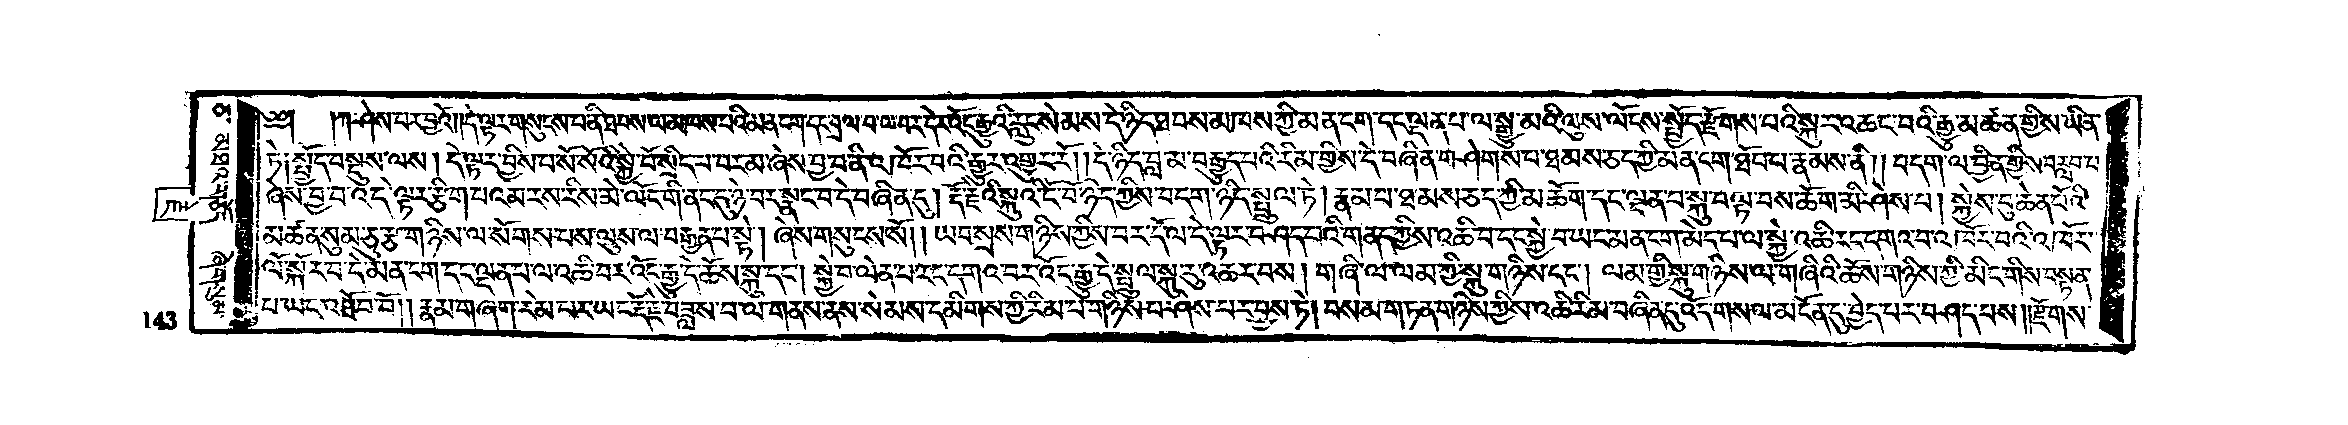༄༅། །ཀ་ཤེས་པར་བྱའོ། །དེ་ལྟར་གསུངས་པ་ནི་ཐབས་ལ་མཁས་པའི་མན་ངག་དང་བྲལ་བ་ལ་བར་དེར་འོང་རྒྱུའི་རླུང་སེམས་དེ་ཉིད་ཐབས་མཁས་ཀྱི་མན་ངག་དང་ལྡན་པ་ལ་སྒྱུ་མའི་ལུས་ལོངས་སྤྱོད་རྫོགས་པའི་སྐུར་འཆར་བའི་རྒྱུ་མཚན་གྱིས་ཡིན་
ཏེ། སྤྱོད་བསྡུས་ལས། དེ་ལྟར་བྱིས་པ་སོ་སོའི་སྐྱེ་བོ་སྲིད་པ་བར་མ་ཞེས་བྱ་བ་ནི་འཁོར་བའི་རྒྱུར་འགྱུར་རོ། །དེ་ཉིད་བླ་མ་བརྒྱུད་པའི་རིམ་གྱིས་དེ་བཞིན་གཤེགས་པ་ཐམས་ཅད་ཀྱི་མན་ངག་ཐོབ་པ་རྣམས་ནི། །བདག་ལ་བྱིན་གྱིས་བརླབ་པ་
ཞེས་བྱ་བ་འདི་ལྟར་རྩིག་པའམ་རས་རིས་མེ་ལོང་གི་ནང་དུ་ཉེ་བར་སྣང་བ་དེ་བཞིན་དུ། རྡོ་རྗེའི་སྐུའི་ངོ་བོ་ཉིད་ཀྱིས་བདག་ཉིད་སྤྲུལ་ཏེ། རྣམ་པ་ཐམས་ཅད་ཀྱི་མཆོག་དང་ལྡན་པ་སྐུ་བལྟ་བས་ཆོག་མི་ཤེས་པ། སྐྱེས་བུ་ཆེན་པོའི་
མཚན་སུམ་ཅུ་རྩ་གཉིས་ལ་སོགས་པས་ལུས་ལ་བརྒྱན་པ་སྟེ། ཞེས་གསུངས་སོ། །ཡབ་སྲས་གཉིས་ཀྱིས་བར་དོ་ལ་དེ་ལྟར་བཤད་པའི་གནད་ཀྱིས་འཆི་བ་དང་སྐྱེ་བ་ཡང་མན་ངག་མེད་པ་ལ་སྐྱེ་འཆི་རང་དགའ་བ་འཁོར་བའི་འཁོར་
ལོ་སྐོར་བ་དེ་མན་ངག་དང་ལྡན་པ་ལ་འཆི་བར་འོང་རྒྱུ་དེ་ཆོས་སྐུ་དང་། སྐྱེ་བ་ལེན་པ་རང་དགའ་བར་འོང་རྒྱུ་དེ་སྤྲུལ་སྐུ་རུ་འཆར་བས། གཞི་ལ་ལམ་གྱི་སྐུ་གཉིས་དང་། ལམ་གྱི་སྐུ་གཉིས་ལ་གཞིའི་ཆོས་གཉིས་ཀྱི་མིང་གིས་བསྟན་
པ་ཡང་འཐོབ་བོ། །རྣམ་གཞག་རིམ་པར་ཡང་རྡོ་རྗེ་བཟླས་པ་ལ་གནས་ནས་སེམས་དམིགས་ཀྱི་རིམ་པ་གཉིས་པ་ཤེས་པར་བྱས་ཏེ། བསམ་གཏན་གཉིས་ཀྱིས་འཆི་རིམ་བཞིན་དུ་འོད་གསལ་མངོན་དུ་བྱེད་པར་བཤད་པས། །རྫོགས་